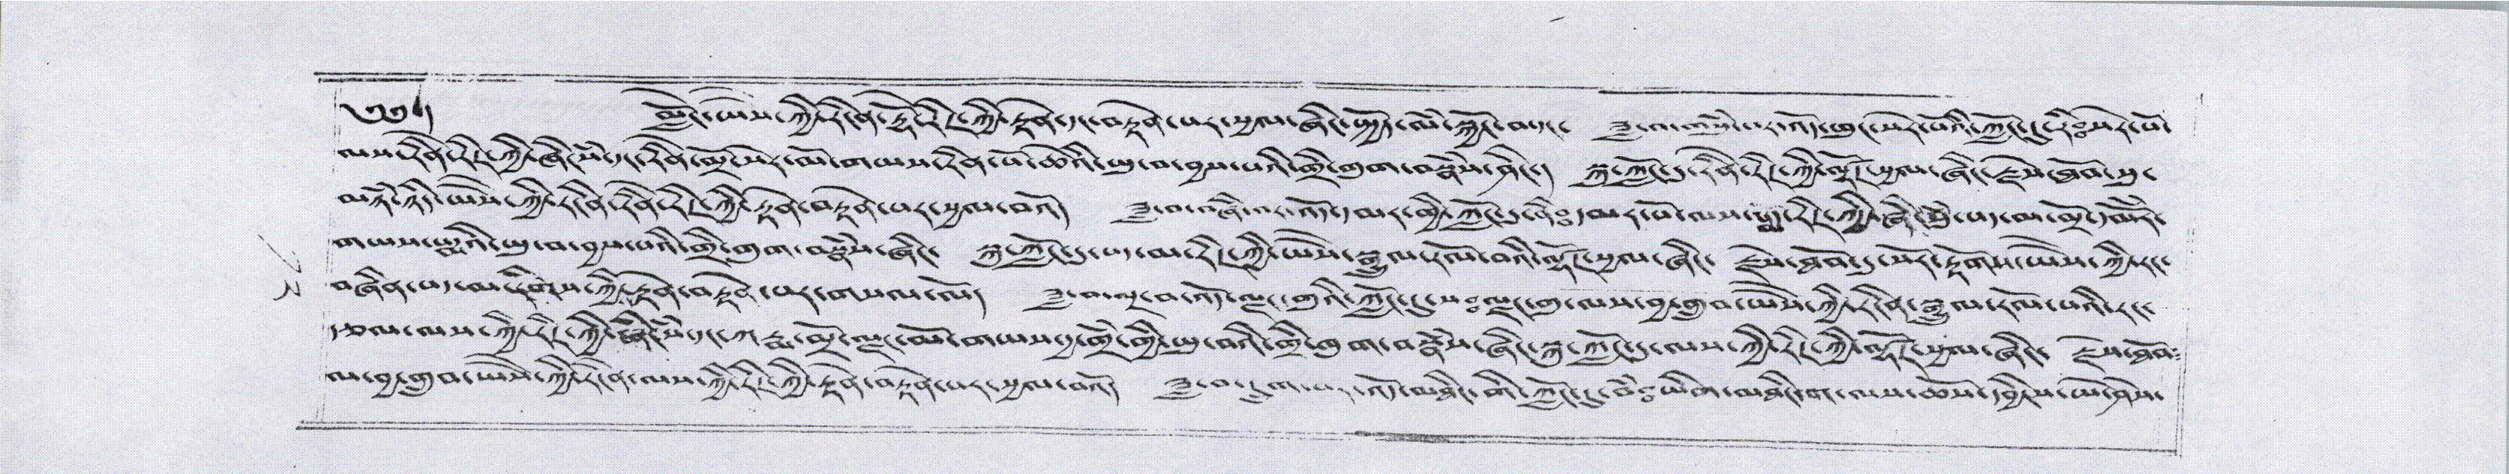མེ་ལོང་ཡེ་ཤེས་ཀྱི་རང་བཞིན་རྡོ་རྗེ་རིགས་ཀྱི་རྟེན་དང་བརྟེན་པར་གསལ་ཞིང་སྤྱོད་ལམ་སྐྱོང་བ་དང་། ༧ ཟླ་བ་གསུམ་པར་འོད་ཕུང་སེར་པོའི་ཀློང་དུ་རིཿསེར་པོ་
ལས་རིན་ཆེན་རིགས་ཀྱི་ཞིང་ཁམས་དང་། རིན་ཆེན་མཁའ་འགྲོ་སེར་མོ་གཡས་རིན་པོ་ཆེའི་ཡུ་བ་བྱས་པའི་གྲི་གུག་བསྣམས་ཤིང་། སྐུ་ཀློང་དུ་རིན་ཆེན་རིགས་ཀྱི་ལྷ་ཚོགས་གསལ་ཞིང་། རྗེས་སུ་
མཉམ་ཉིད་ཡེ་ཤེས་ཀྱི་རང་བཞིན་རིན་ཆེན་རིགས་ཀྱི་རྟེན་དང་བརྟེན་པར་གསལ་བའོ། ༧ ཟླ་བ་བཞི་པར་འོད་དམར་གྱི་ཀློང་དུ་ནིཿདམར་པོ་ལས་པདྨ་རིགས་ཀྱི་ཞིང་ཁམས་སུ་པདྨ་མཁའ་འགྲོ་དམར་མོ་
གཡས་པདྨའི་ཡུ་བ་བྱས་པའི་གྲི་གུག་བསྣམས་ཤིང་། སྐུ་ཀློང་དུ་པདྨ་རིགས་ཀྱི་ཡེ་ཤེས་སྒྱུ་འཕྲུལ་རོལ་པའི་ལྷ་ཚོགས་གསལ་ཞིང་། རྗེས་ཐོབ་ཏུ་སོར་རྟོགས་ཡེ་ཤེས་ཀྱི་རང་
བཞིན་པདྨ་རིགས་ཀྱི་རྟེན་དང་བརྟེན་པར་གསལ་ལོ། ༧ ཟླ་བ་ལྔ་པར་འོད་ལྗང་ཁུའི་ཀློང་དུ་སཿལྗང་གུ་ལས་བྱ་གྲུབ་ཡེ་ཤེས་ཀྱི་རང་བཞིན་སྒྱུ་མ་རོལ་པའི་རང་
རྩལ་ལས་ཀྱི་རིགས་ཀྱི་ཞིང་ཁམས་དང་། ཀརྨ་མཁའ་འགྲོ་ལྗང་མོ་གཡས་རྒྱ་གྲམ་གྱི་ཡུ་བའི་གྲི་གུག་བསྣམས་ཤིང་། སྐུ་ཀློང་དུ་ལས་ཀྱི་རིགས་ཀྱི་ལྷ་ཚོགས་གསལ་ཞིང་རྗེས་ཐོབ་
ལ་བྱ་གྲུབ་ཡེ་ཤེས་ཀྱི་རང་བཞིན་ལས་ཀྱི་རིགས་ཀྱི་རྟེན་དང་བརྟེན་པར་གསལ་བའོ། ༧ ཟླ་བ་དྲུག་པར་འོད་མཐིང་གི་ཀློང་དུ་བཾཿཡིག་མཐིང་ག་ལས་ཆོས་དབྱིངས་ཡེ་ཤེས་